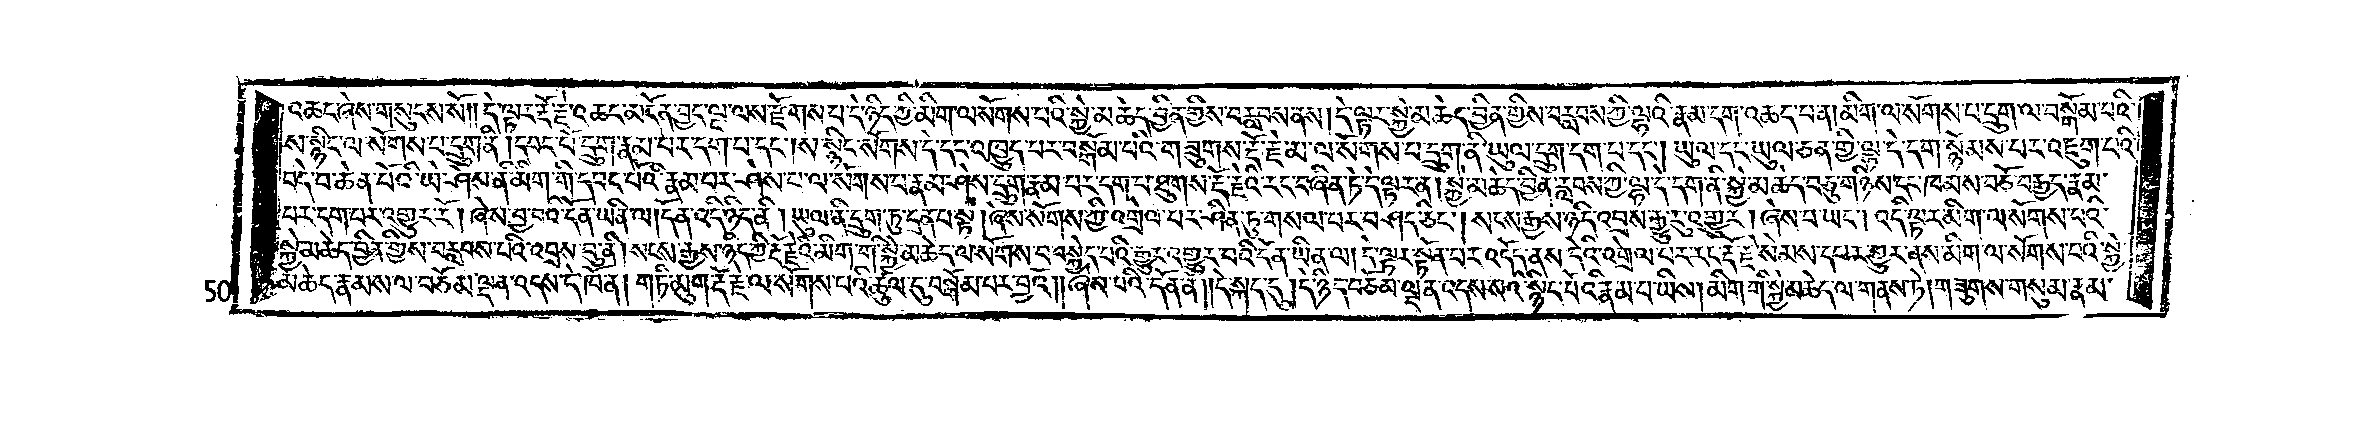འཆང་ཞེས་གསུངས་སོ། །དེ་ལྟར་རྡོ་རྗེ་འཆང་མངོན་བྱང་ལྔ་ལས་རྫོགས་པ་དེ་ཉིད་ཀྱི་མིག་ལ་སོགས་པའི་སྐྱེ་མཆེད་བྱིན་གྱིས་བརླབས་ནས། དེ་ལྟར་སྐྱེ་མཆེད་བྱིན་གྱིས་བརླབས་ཀྱི་ལྷའི་རྣམ་དག་འཆད་པ་ན། མིག་ལ་སོགས་པ་དྲུག་ལ་བསྒོམ་པའི་
ས་སྙིང་ལ་སོགས་པ་དྲུག་ནི། དབང་པོ་དྲུག་རྣམ་པར་དག་པ་དང་། ས་སྙིང་སོགས་དེ་དང་འཁྱུད་པར་བསྒོམ་པའི་གཟུགས་རྡོ་རྗེ་མ་ལ་སོགས་པ་དྲུག་ནི་ཡུལ་དྲུག་དག་པ་དང་། ཡུལ་དང་ཡུལ་ཅན་གྱི་ལྷ་དེ་དག་སྙོམས་པར་འཇུག་པའི་
བདེ་བ་ཆེན་པོའི་ཡེ་ཤེས་ནི་མིག་གི་དབང་པོའི་རྣམ་པར་ཤེས་པ་ལ་སོགས་པ་རྣམ་ཤེས་དྲུག་རྣམ་པར་དག་པ་ཐུགས་རྡོ་རྗེའི་རང་བཞིན་ཏེ་དེ་ལྟར་ན། སྐྱེ་མཆེད་བྱིན་རླབས་ཀྱི་ལྷ་དེ་དག་ནི་སྐྱེ་མཆེད་བཅུ་གཉིས་དང་ཁམས་བཅོ་བརྒྱད་རྣམ་
པར་དག་པར་འགྱུར་རོ། ཞེས་བྱ་བའི་དོན་ཡིན་ལ། དོན་འདི་ཉིད་ནི། ཡུལ་ནི་དྲུག་ཏུ་དྲན་པ་སྟེ། ཞེས་སོགས་ཀྱི་འགྲེལ་པར་ཤིན་ཏུ་གསལ་བར་བཤད་ཅིང་། སངས་རྒྱས་ཉིད་འབྲས་རྒྱུ་རུ་འགྱུར། ཞེས་པ་ཡང་། འདི་ལྟར་མིག་ལ་སོགས་པའི་
སྐྱེ་མཆེད་བྱིན་གྱིས་བརླབས་པའི་འབྲས་བུ་ནི། སངས་རྒྱས་ཉིད་ཀྱི་རྡོ་རྗེའི་མིག་གི་སྐྱེ་མཆེད་ལ་སོགས་པ་བསྐྱེད་པའི་རྒྱུར་འགྱུར་བའི་དོན་ཡིན་ལ། དེ་ལྟར་སྟོན་པར་འདོད་ནས་དེའི་འགྲེལ་པར་རང་རྡོ་རྗེ་སེམས་དཔར་གྱུར་ནས་མིག་ལ་སོགས་པའི་སྐྱེ་
མཆེད་རྣམས་ལ་བཅོམ་ལྡན་འདས་དེ་ཁོ་ན། གཏི་མུག་རྡོ་རྗེ་ལ་སོགས་པའི་ཚུལ་དུ་བསྒོམ་པར་བྱའོ། །ཞེས་པའི་དོན་ནོ། །དེ་སྐད་དུ། དེ་ཉིད་བཅོམ་ལྡན་འདས་སའི་སྙིང་པོའི་རྣམ་པ་ཡིས། མིག་གི་སྐྱེ་མཆེད་ལ་གནས་ཏེ། གཟུགས་གསུམ་རྣམ་